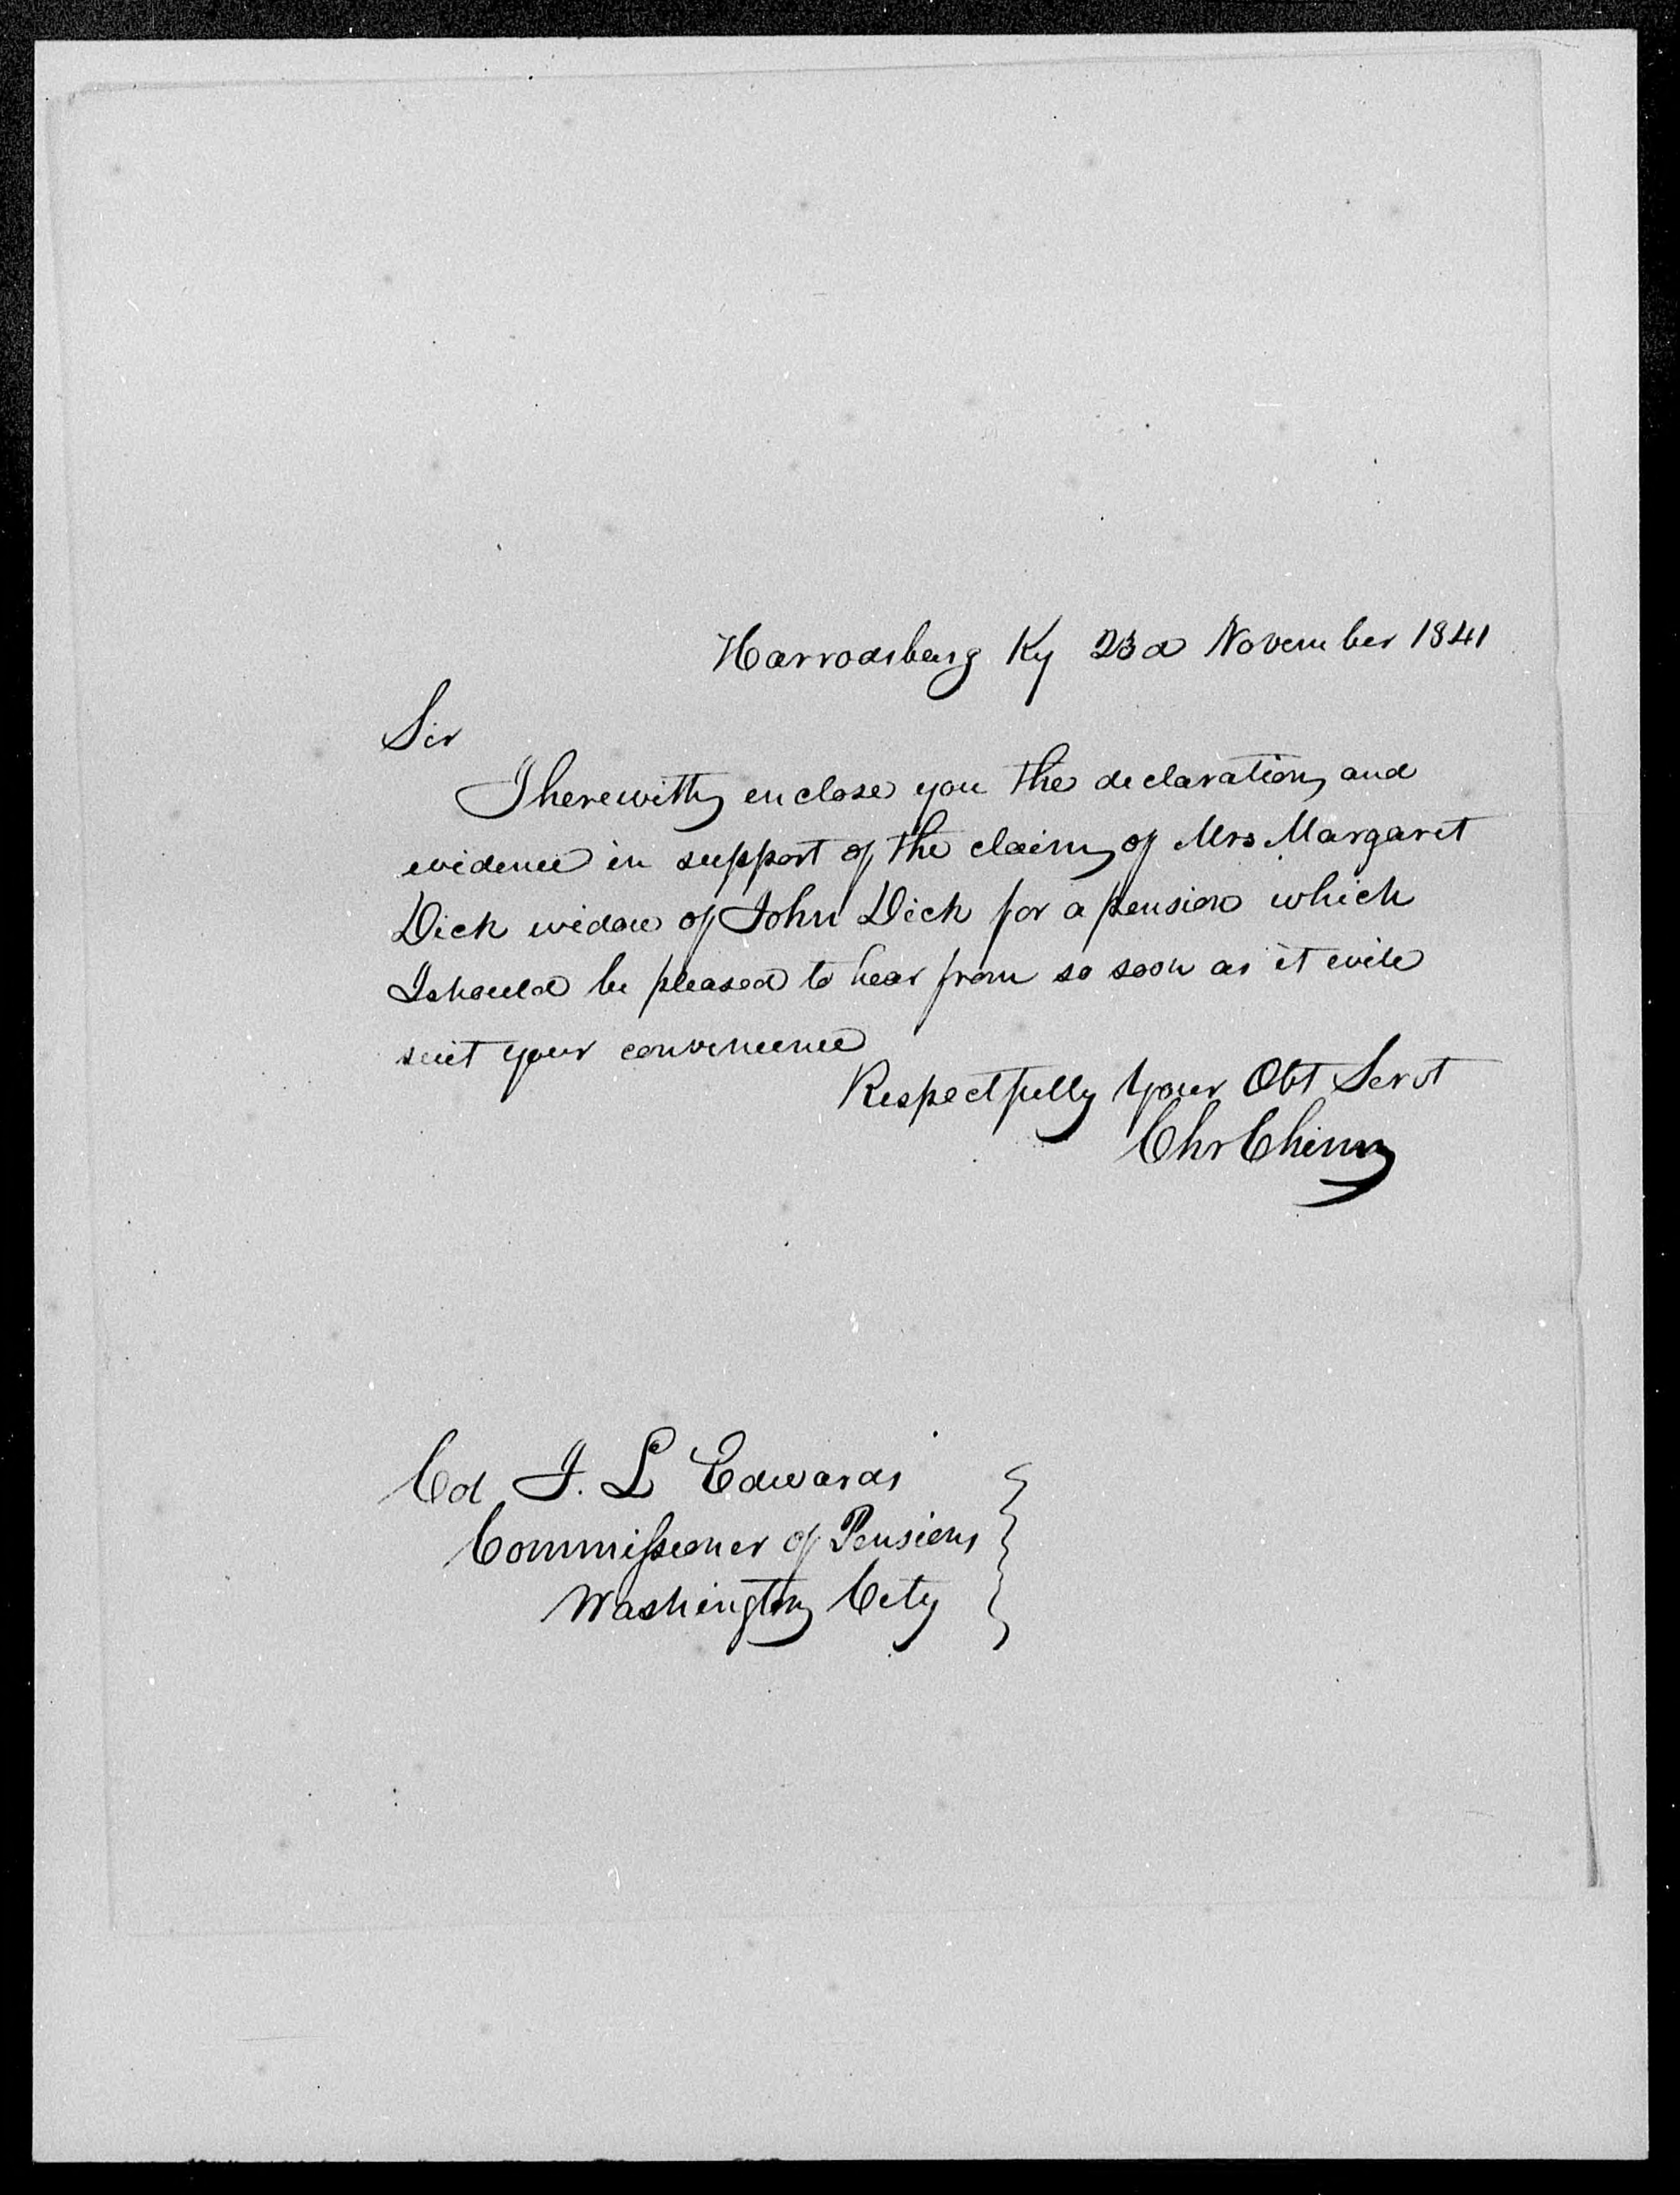Harrodsburg Ky 23 November 1841 
Sir I herewith enclose you the declaration and evidence in support of the claim of Mrs Margaret Dick widow of John Dick for a pension which I should be pleased to hear from so soon as it will suit your convenience 
Respectfully your Obt Servt [illegible]
 Col J. L. Edwards Commissioner of Pensions Washington City ⎬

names: Chr Chinn, J L Edwards, John Dick, Margaret Dick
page: 23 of 31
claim: widow's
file: W. 8668, John Dick, S C